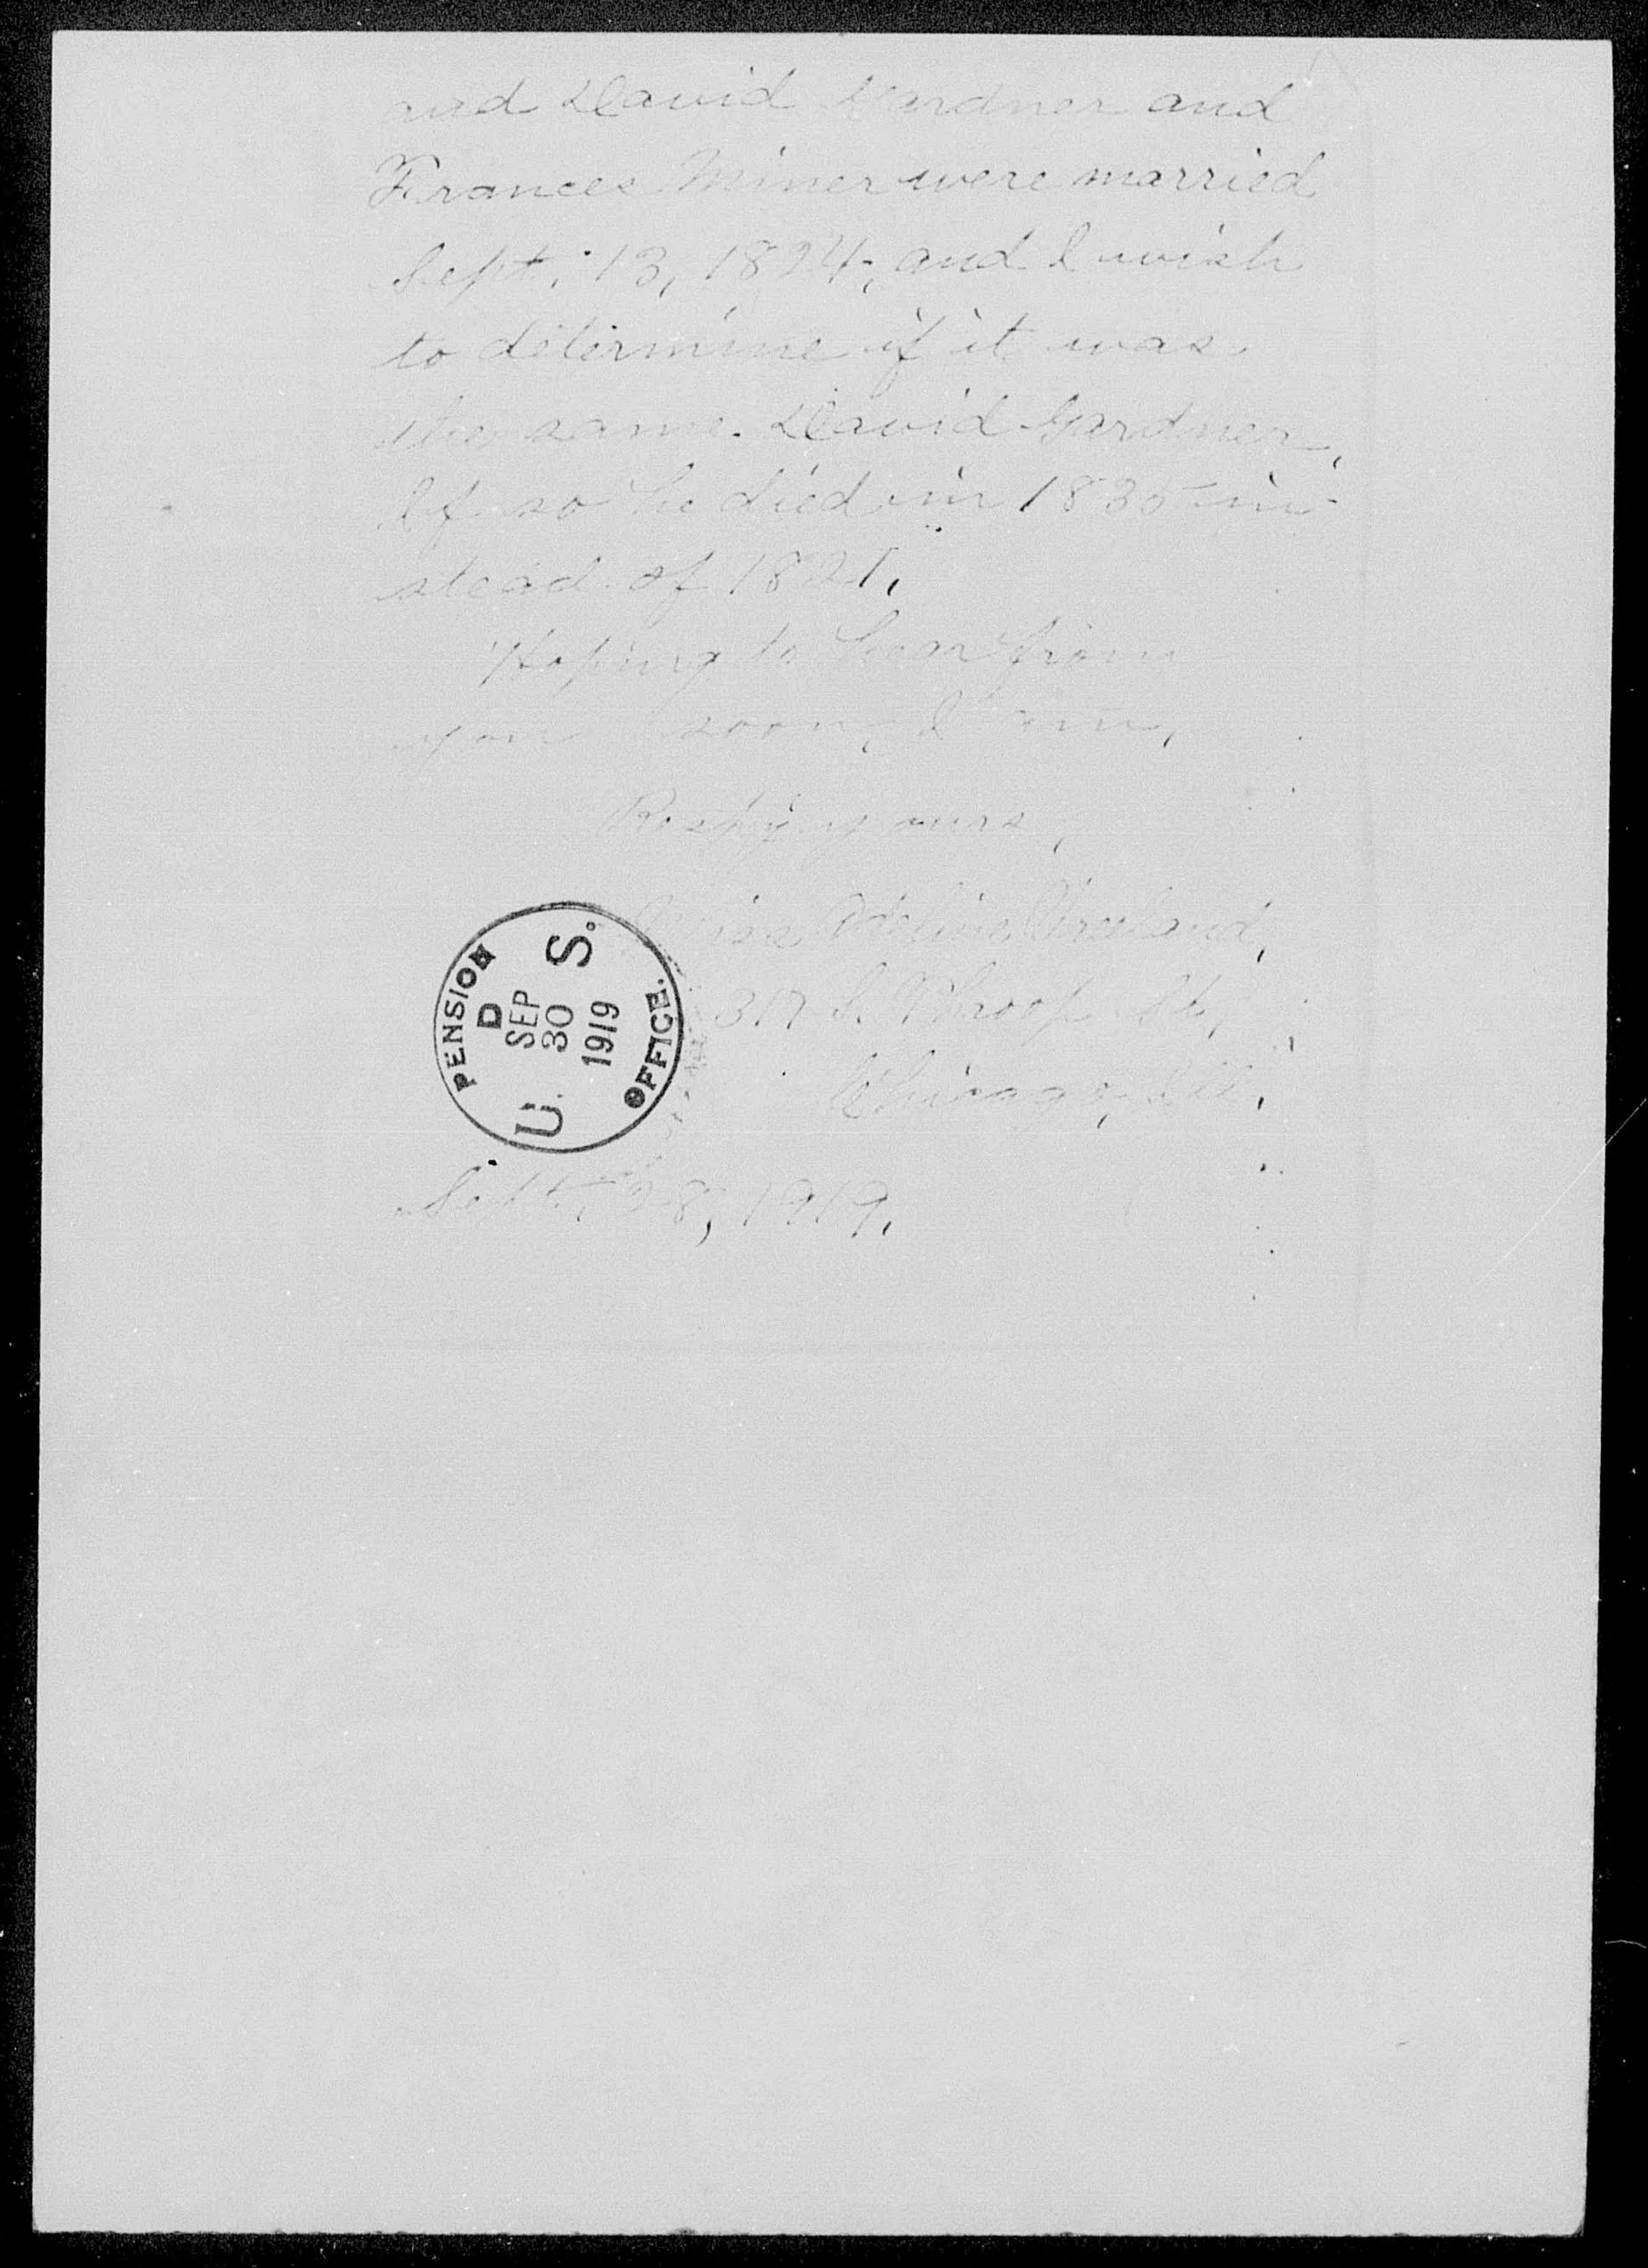and David Gardner and Frances Miner were married Sept 13, 1824 and I wish to determine if it was the same David Gardner.  If so he died in 1835 instead of 1821.
Hoping to hear from you soon, I am,
Respectfully yours,
Miss Adeline Vreeland,
317 S.  Shroop St.
Chicago, Ill,
Sept 28, 1919

[stamp]
US Pension Office, D SEP 30 1919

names: Frances Miner, David Gardner, David Gardner, Adeline Vreeland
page: 36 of 66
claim: widow's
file: W 1850, David Gardner, Conn.